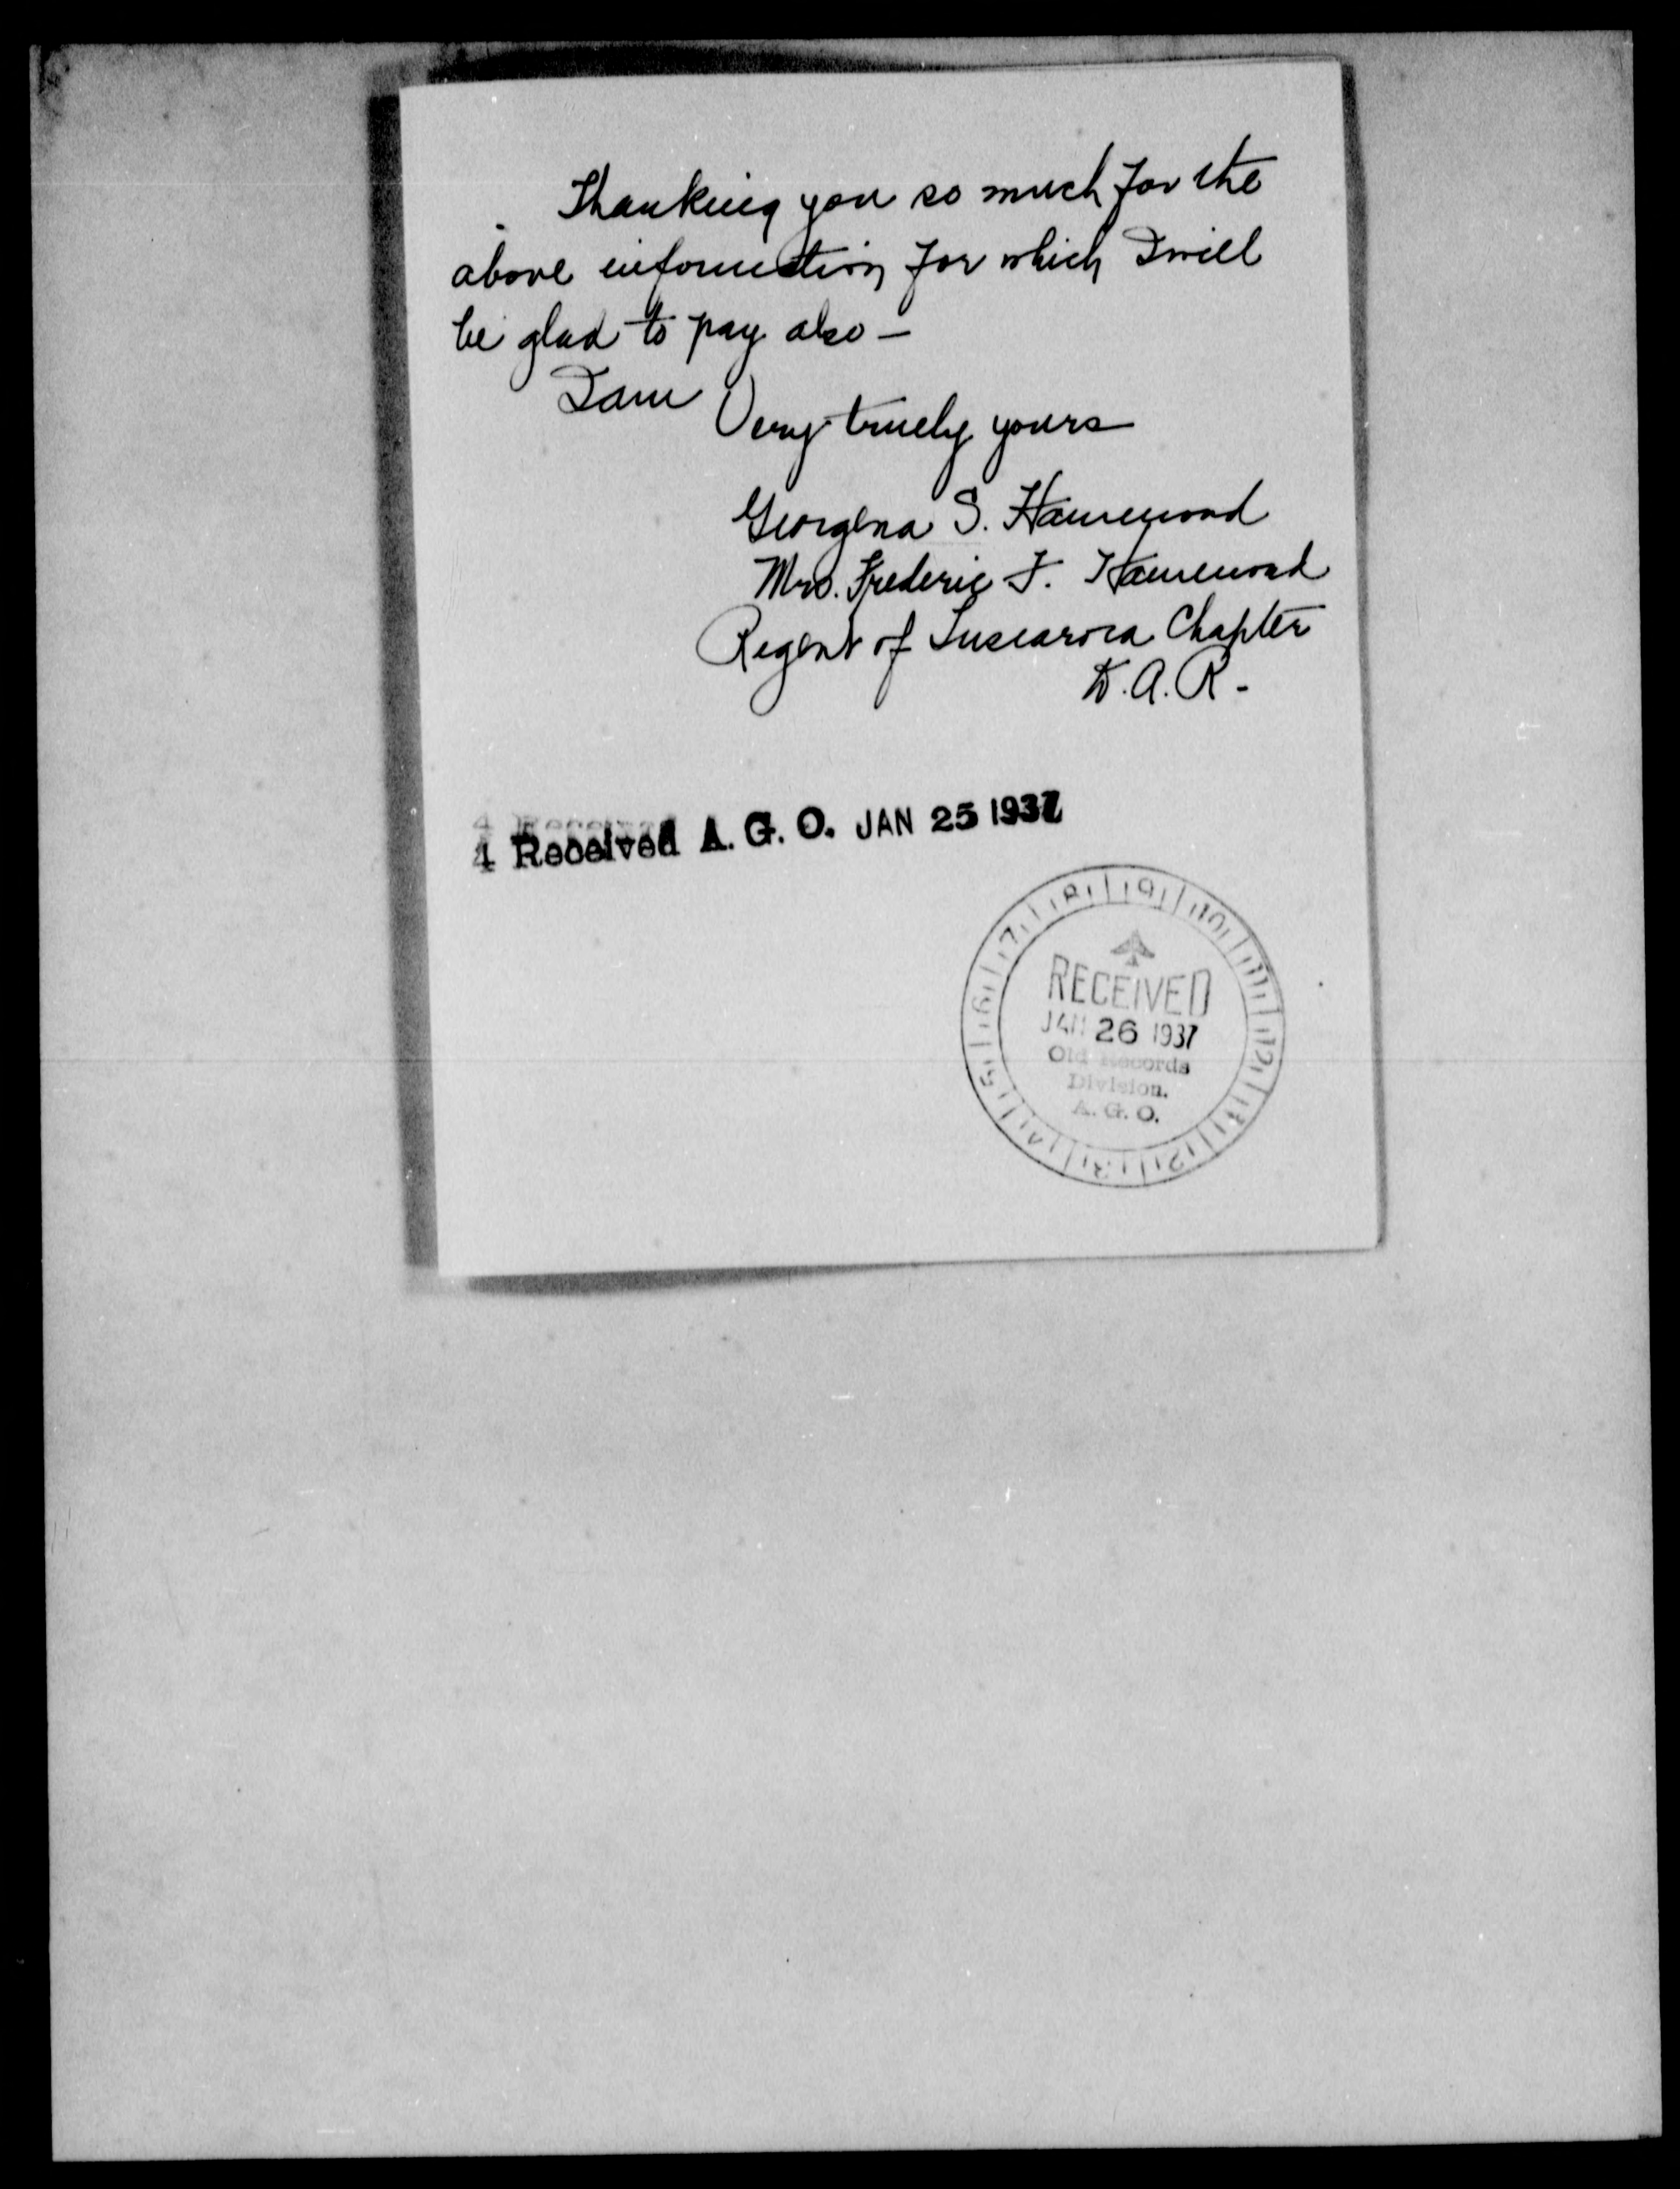Thanking you so much for the above information for which I will be glad to pay also.
I am Very truely yours,
Georgina S. Hammond
Mrs. Frederic F. Hammond
Regent of Tuscarora Chapter
D. A. R. 

[stamped-4 Received A. G. O. Jan 25 1937]
[stamped-Received Jan. 26, 1937 Old Records
Division A. G. O.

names: Frederic F Hammond, Georgena S Hammond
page: 56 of 98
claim: widow's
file: W. 1682, Valentine Wheeler, Mass.